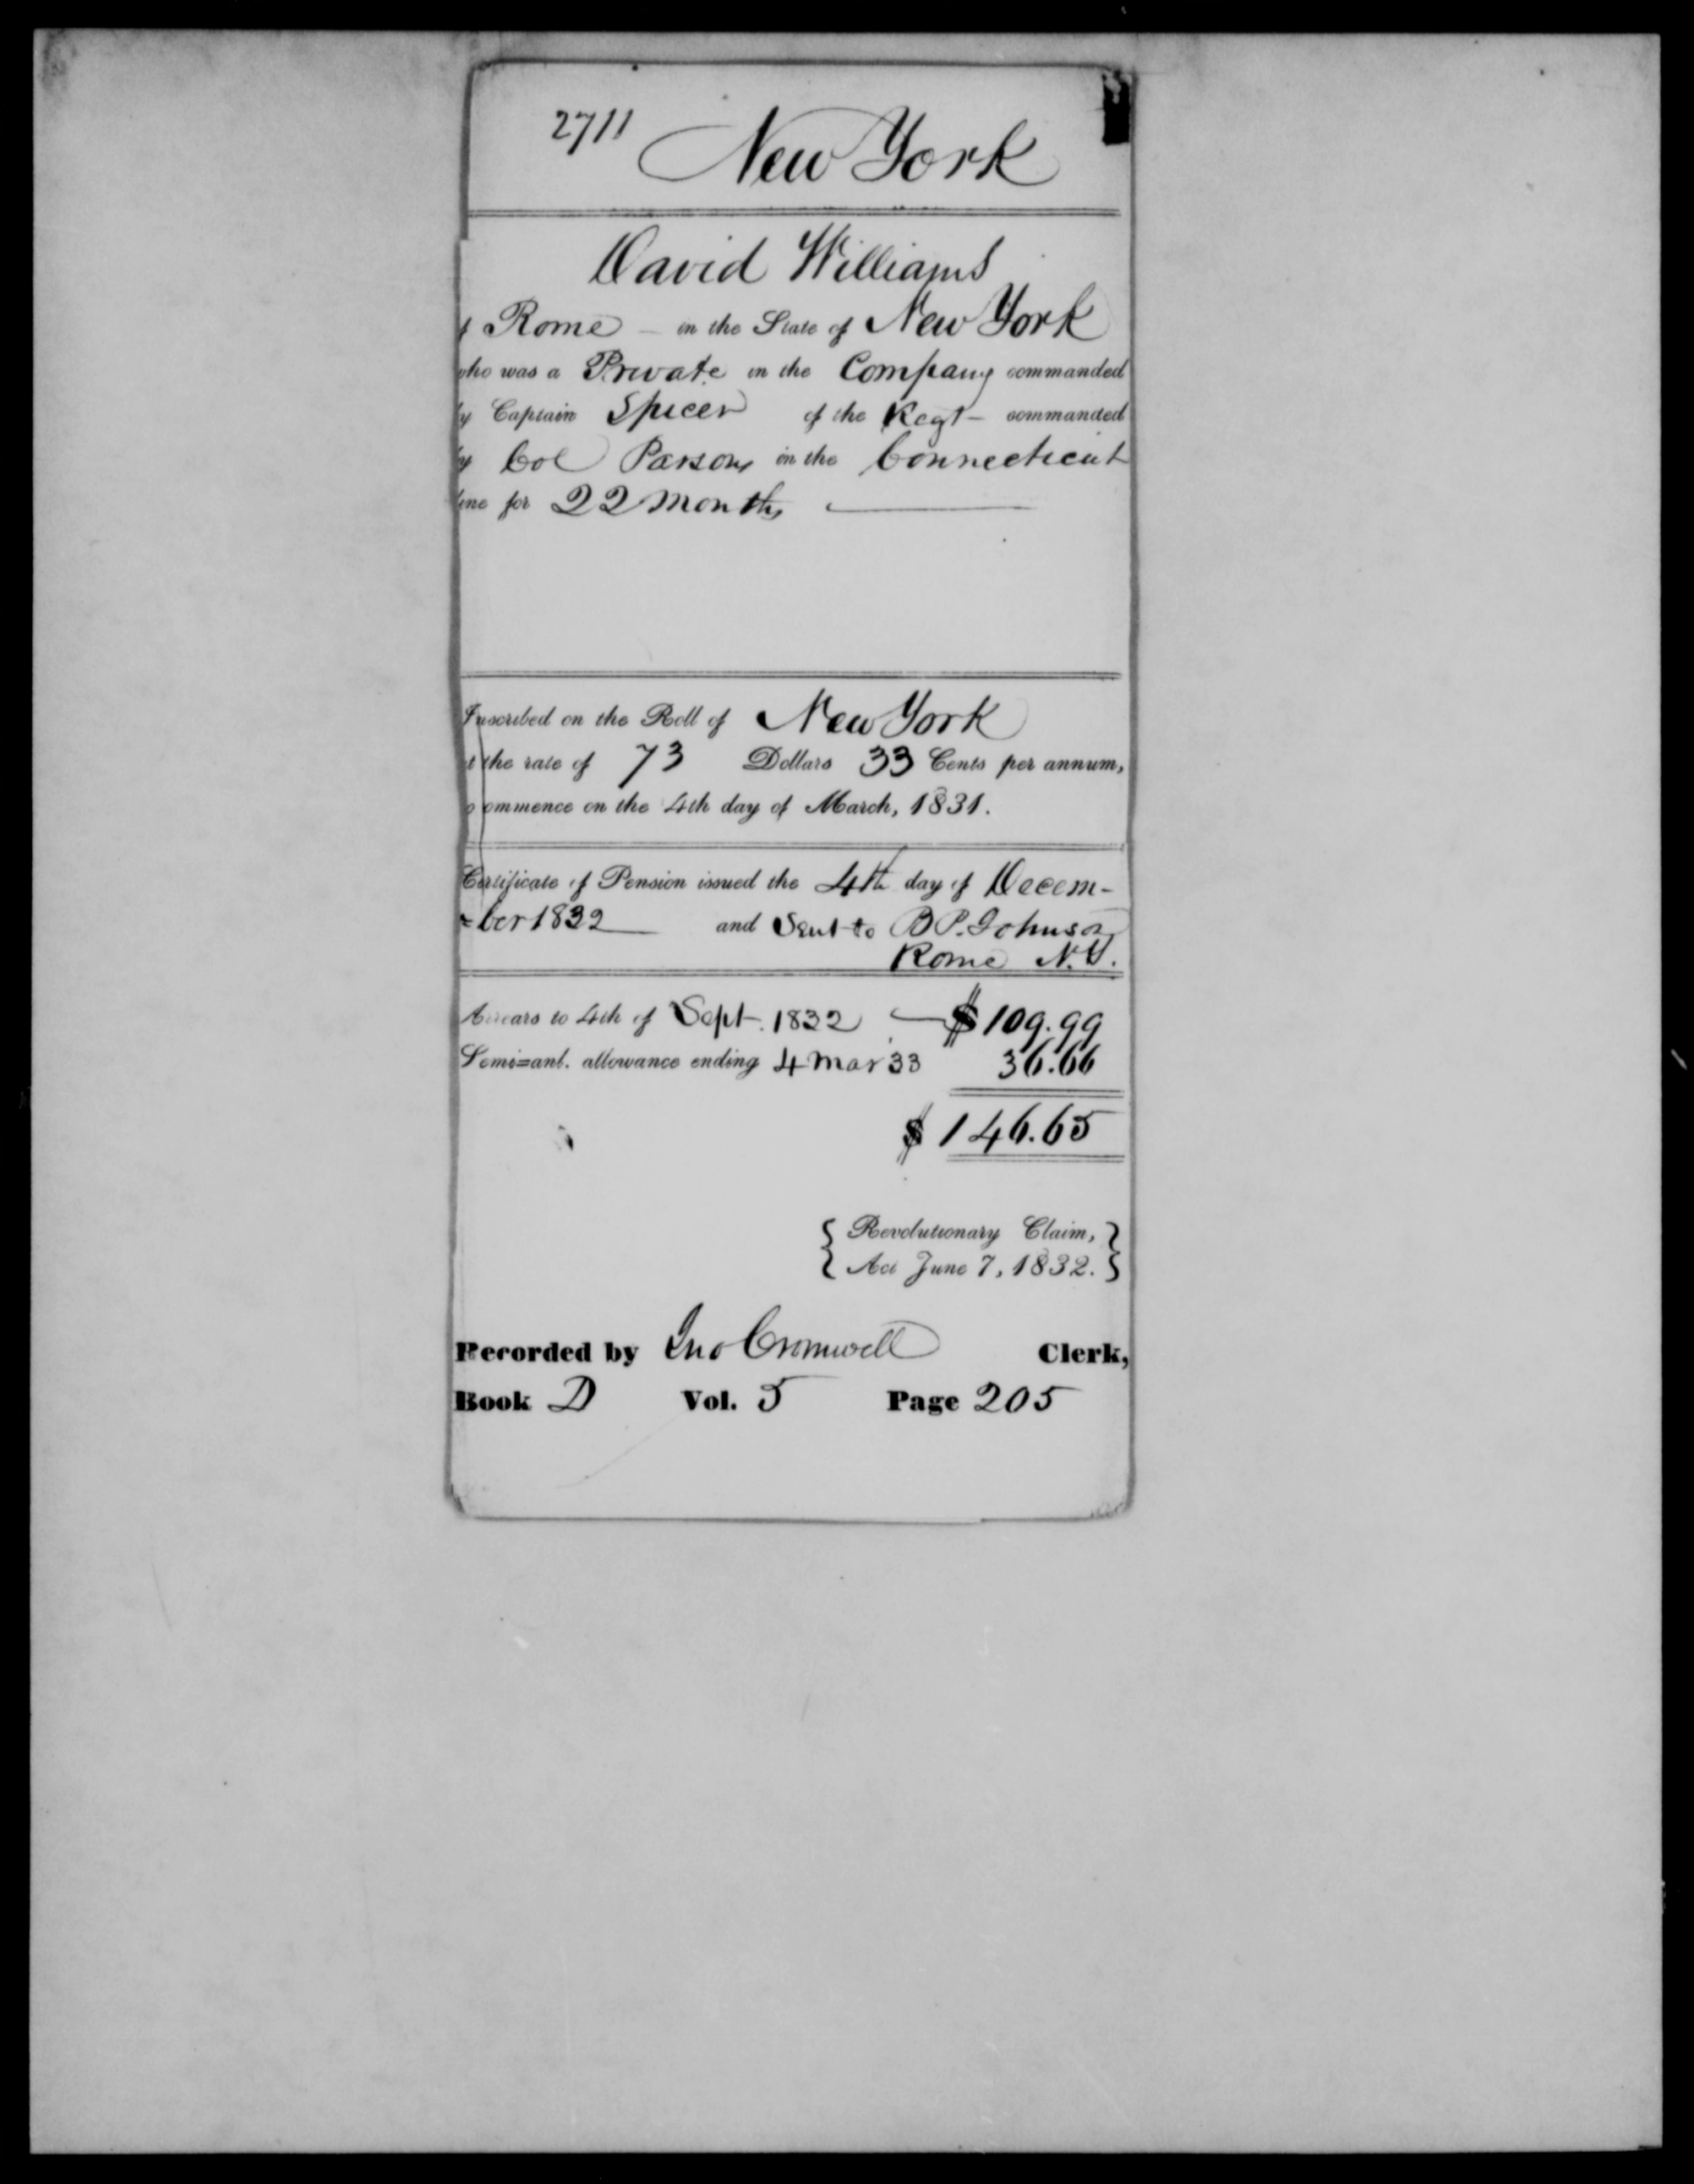2711  New York
David Williams
of Rome n the State of New York who was a Private in the Company commanded by Captain 
Spicer of the Regt. commanded by Col Parsons in the Connecticut line of 22 months.

Inscribed on the Roll of New York at the rate of 73 Dollars 33 Cents per annum, to commence on the 4th day of March 1831
Certificate of Pension isssued the 4th day of December 1832 and sent to B Pl Johnson Rome N. Y.
Arrears to 4th of Sept 1832  $109.99
Semi-anl. allowance ending 4 Mar '33  36.66
  $146.65

{Revolutionary Claim, Act June 7, 1`832|
Recorded by Jno Cromwell Clerk, Book D Vol 5 Page 105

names: Parsons, Spicer, Jno Cromwell, B P Johnson, David Williams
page: 2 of 63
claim: widow's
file: W. 22,632, David Williams, Conn. Continental Privateer